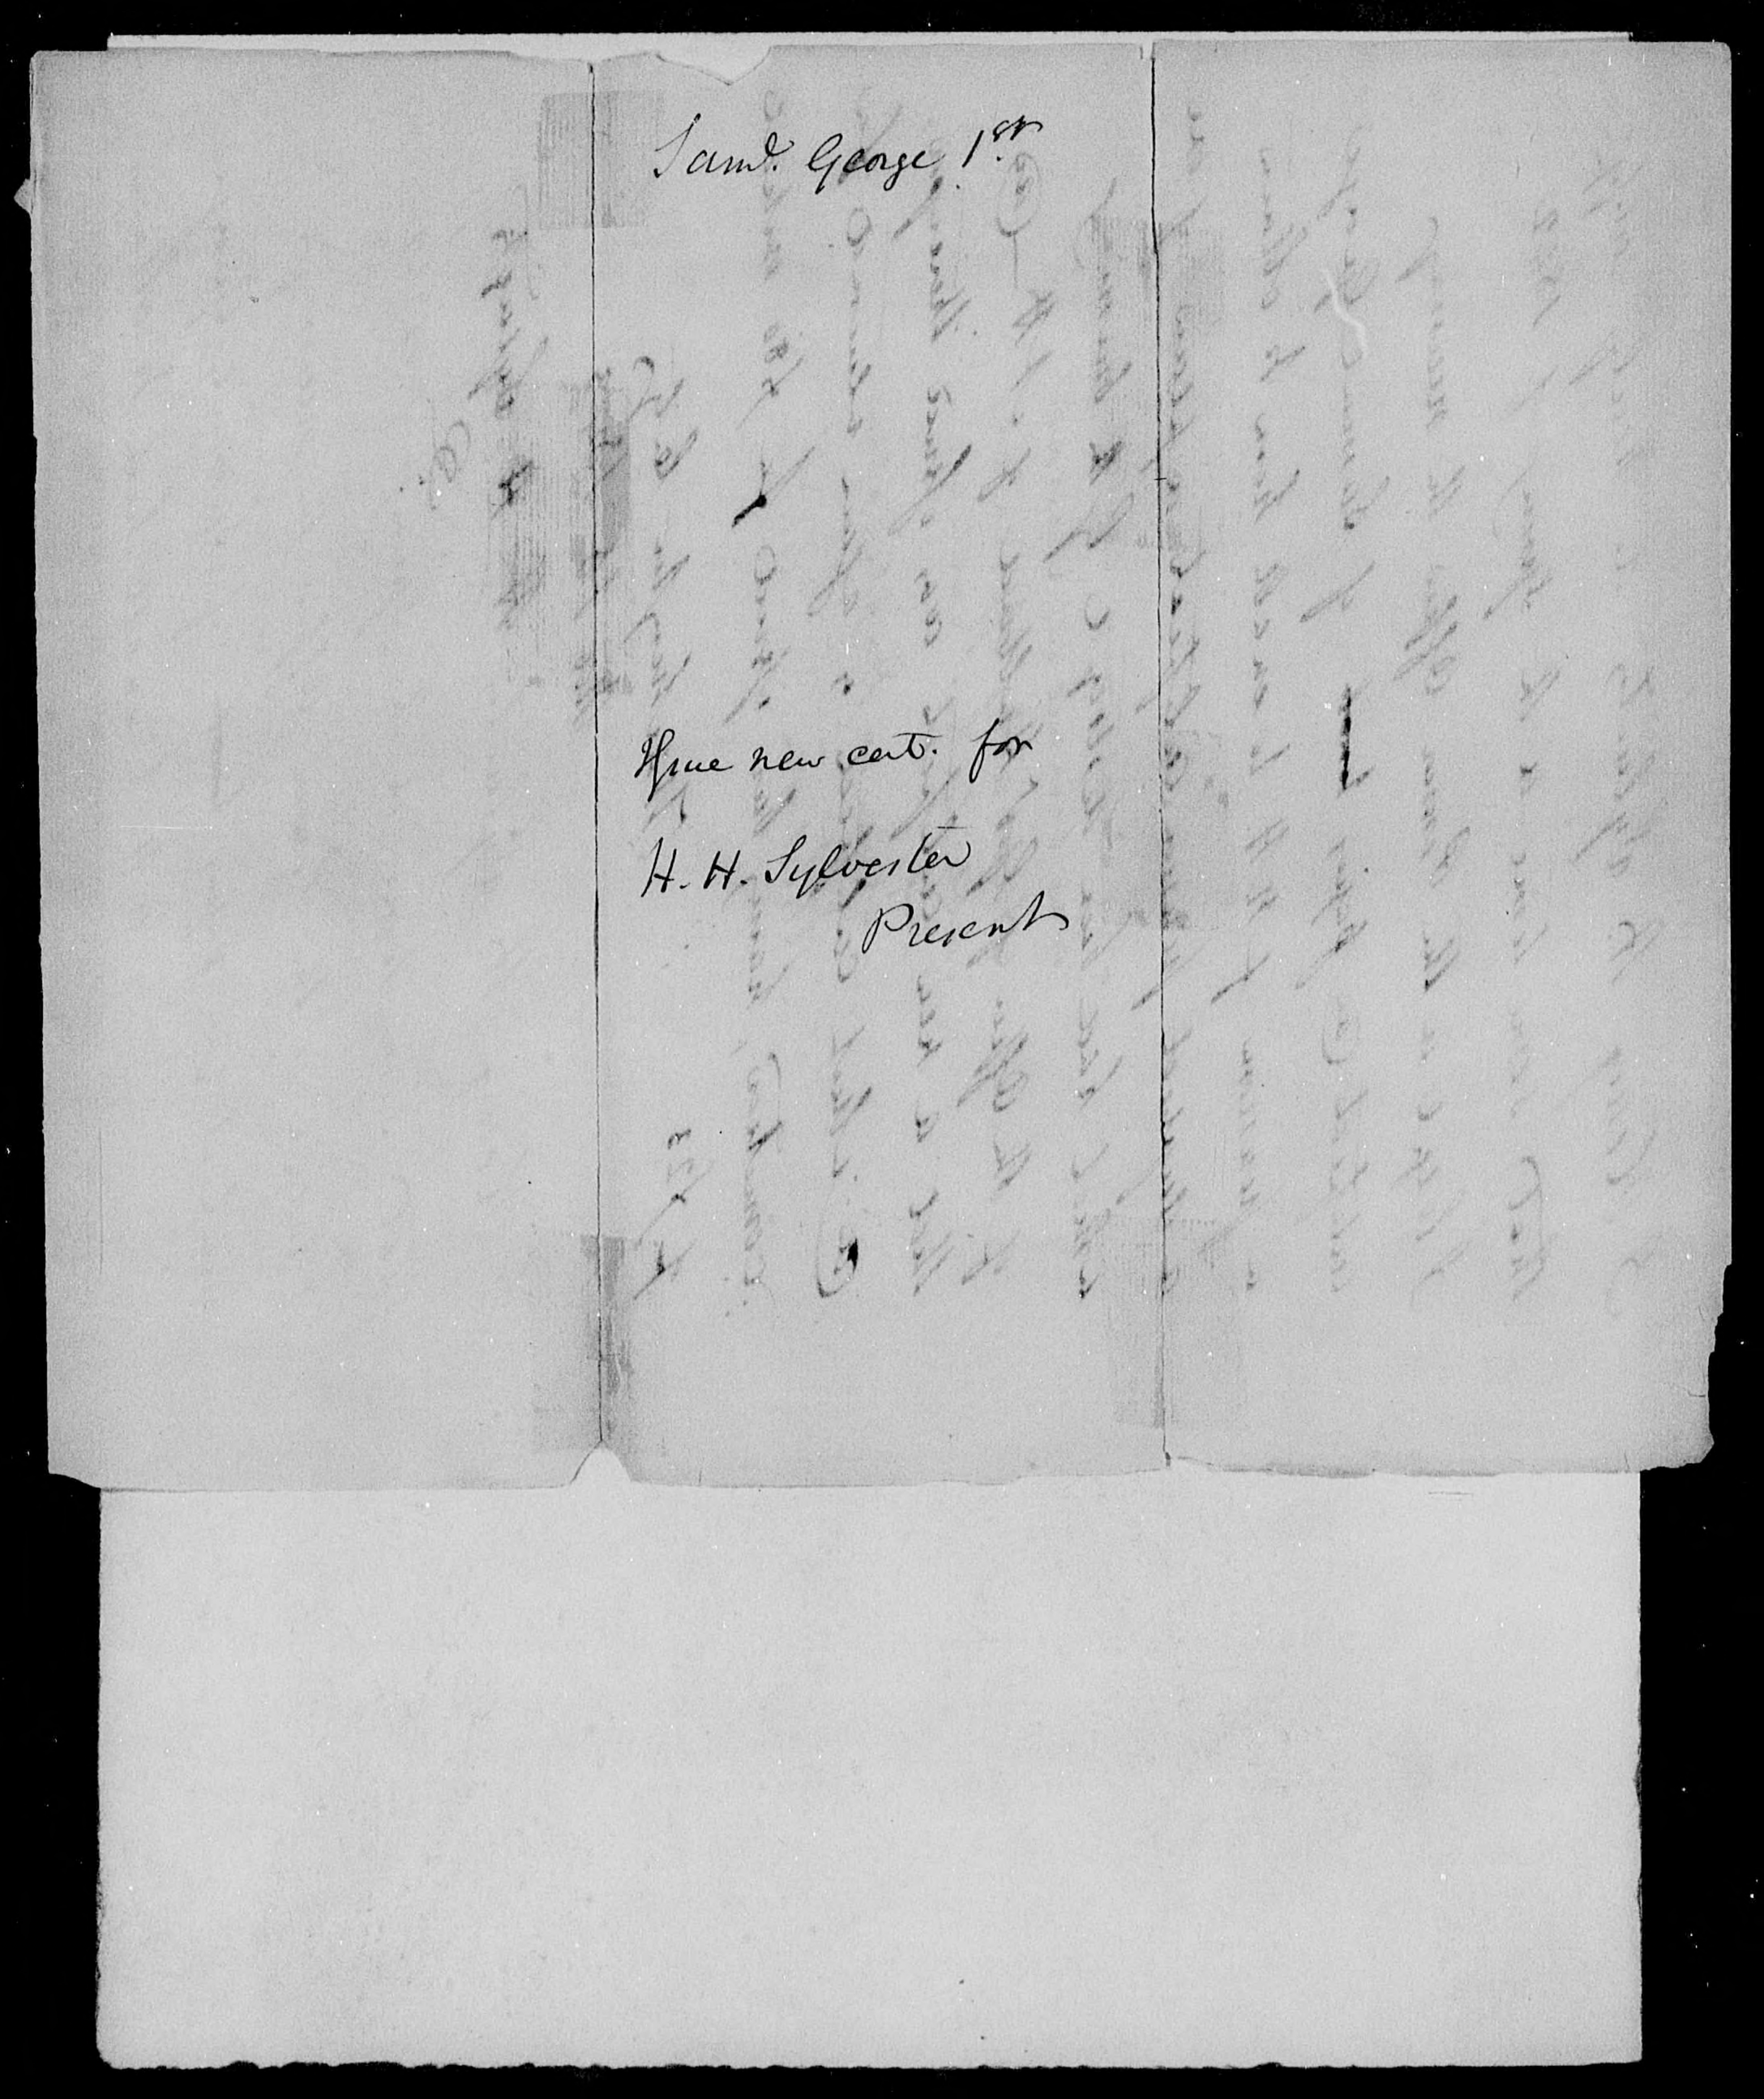Saml George 1st

New cert. for
H.H. Sylvester
Present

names: H H Sylvester, Saml George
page: 11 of 19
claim: survivor's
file: S. 15140, Samuel George, N.H.